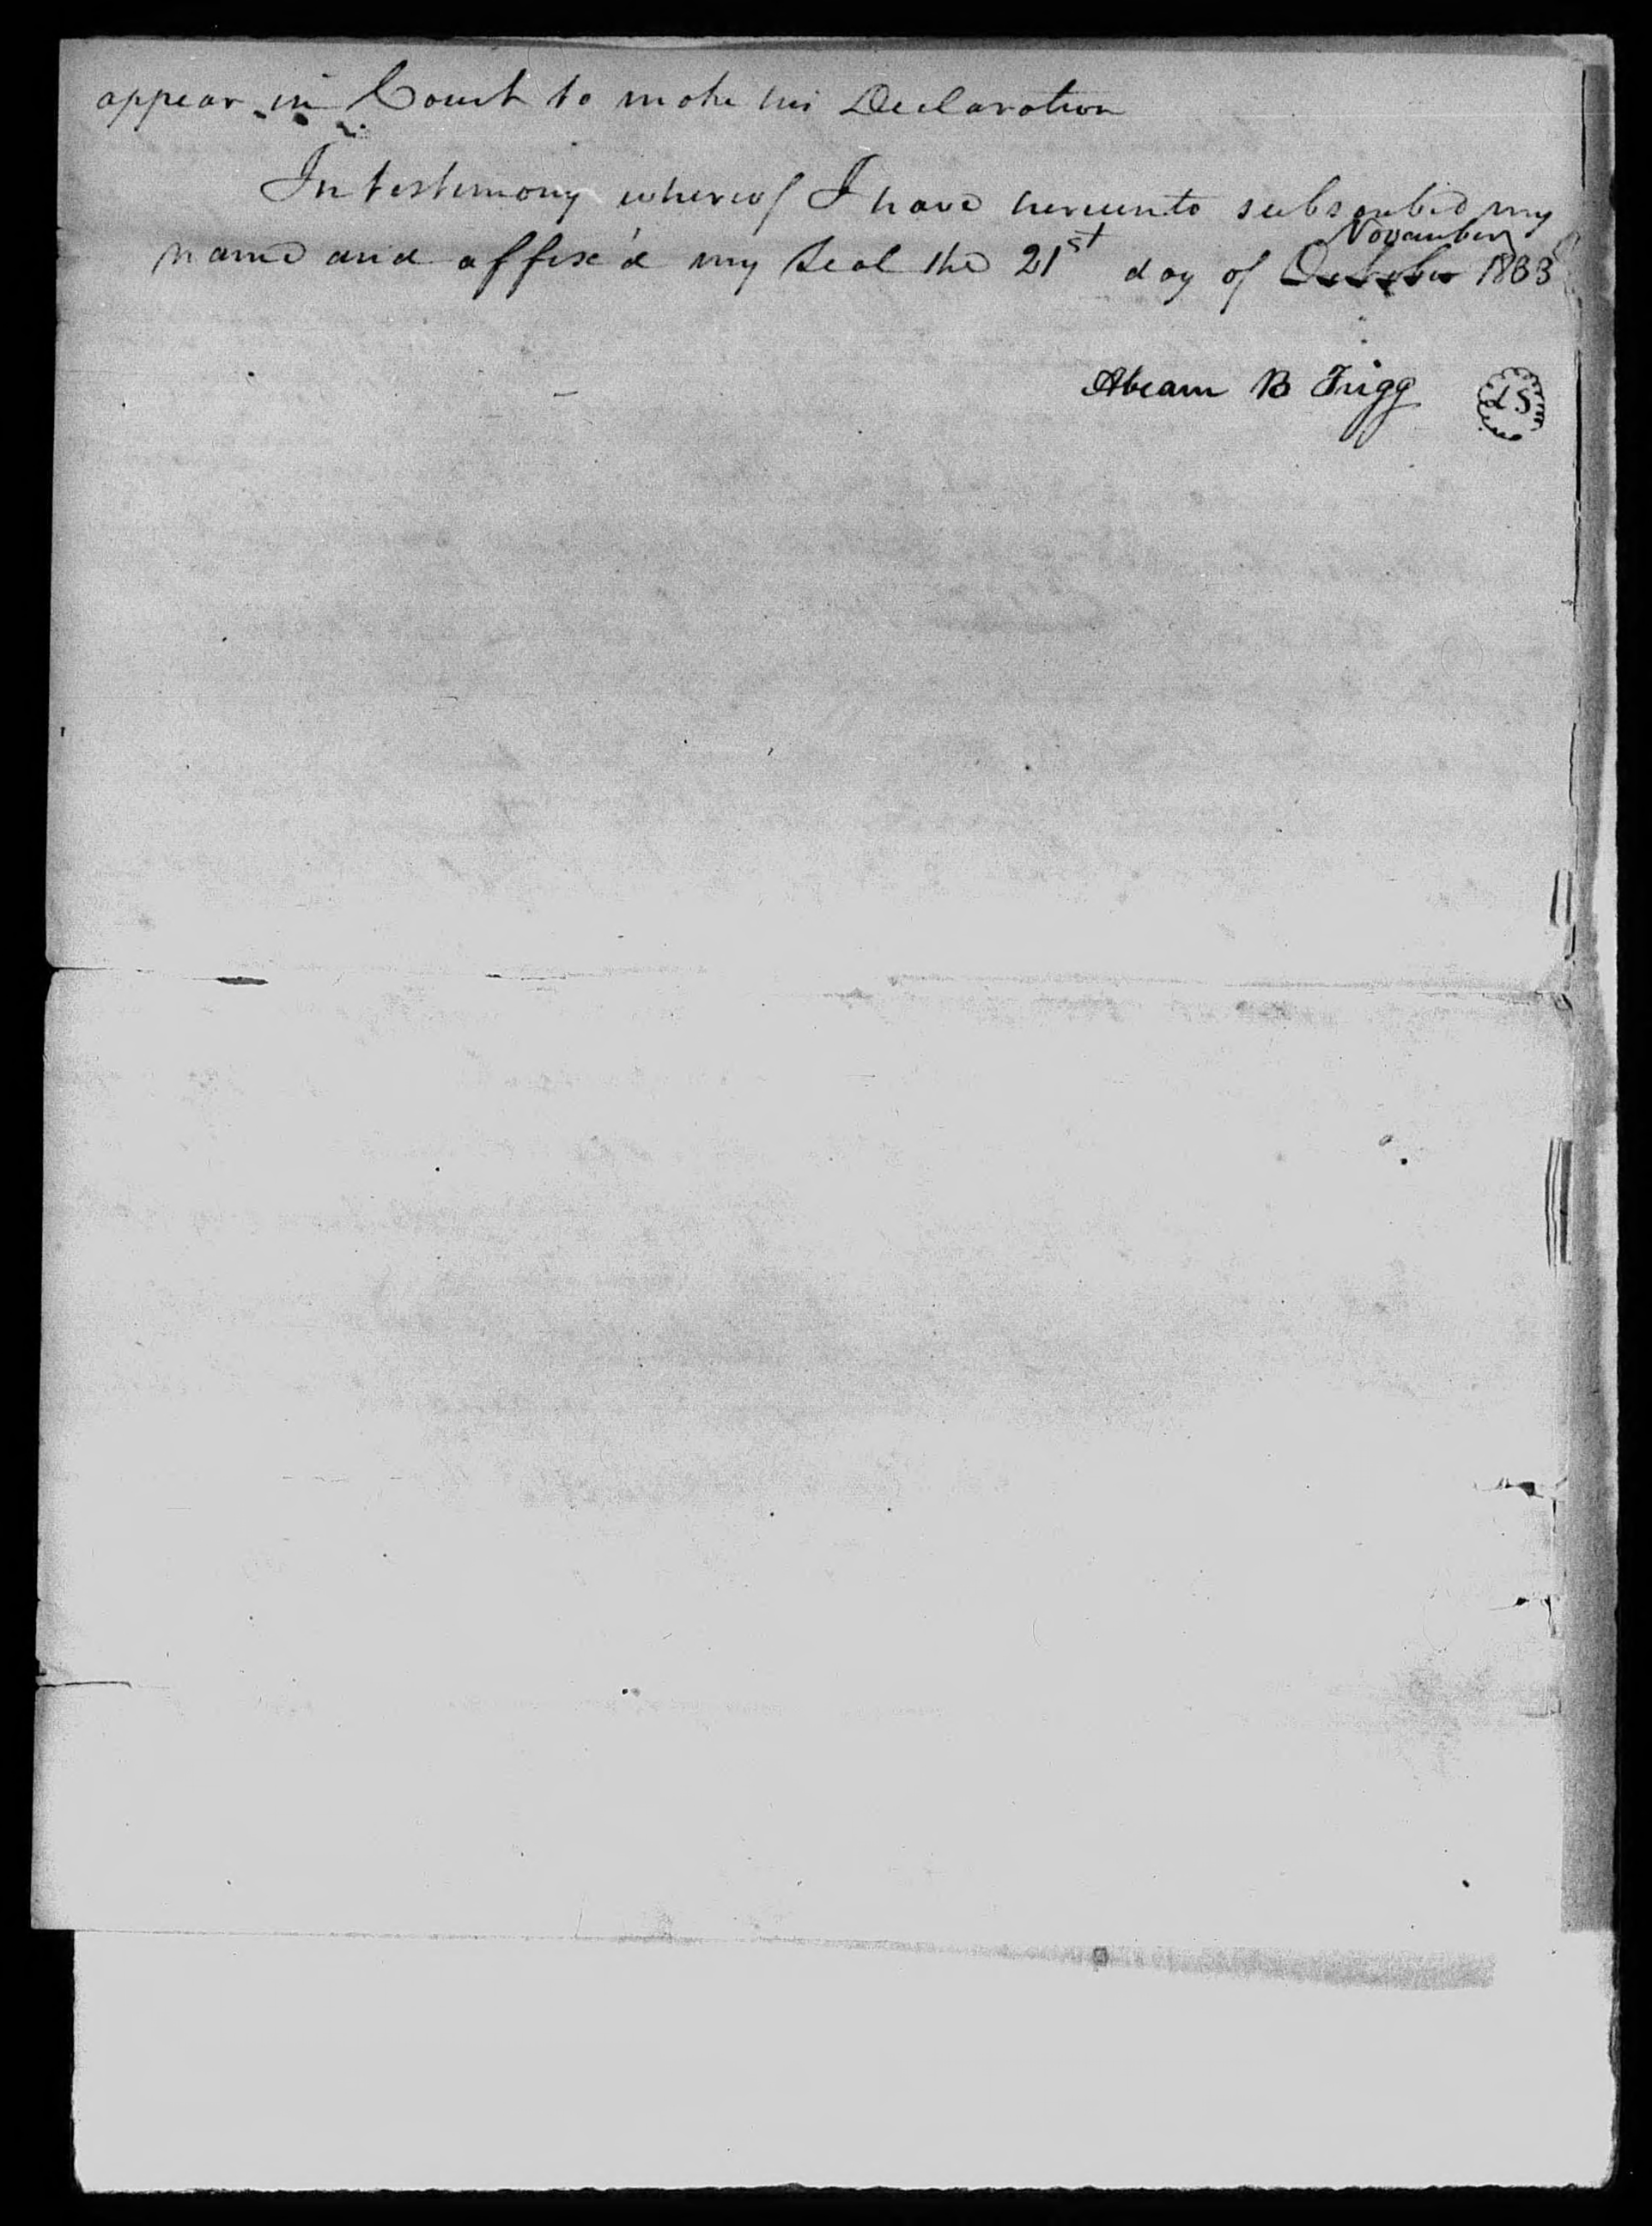appear in Court to make his declaration.

In testimony whereof i have hereunto subscribed my name and affixed my seal the 21st day of November 1833.

Abram B Trigg - SEAL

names: Abram B Trigg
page: 6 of 18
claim: survivor's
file: S. 15,884, John Hennigar, Md.